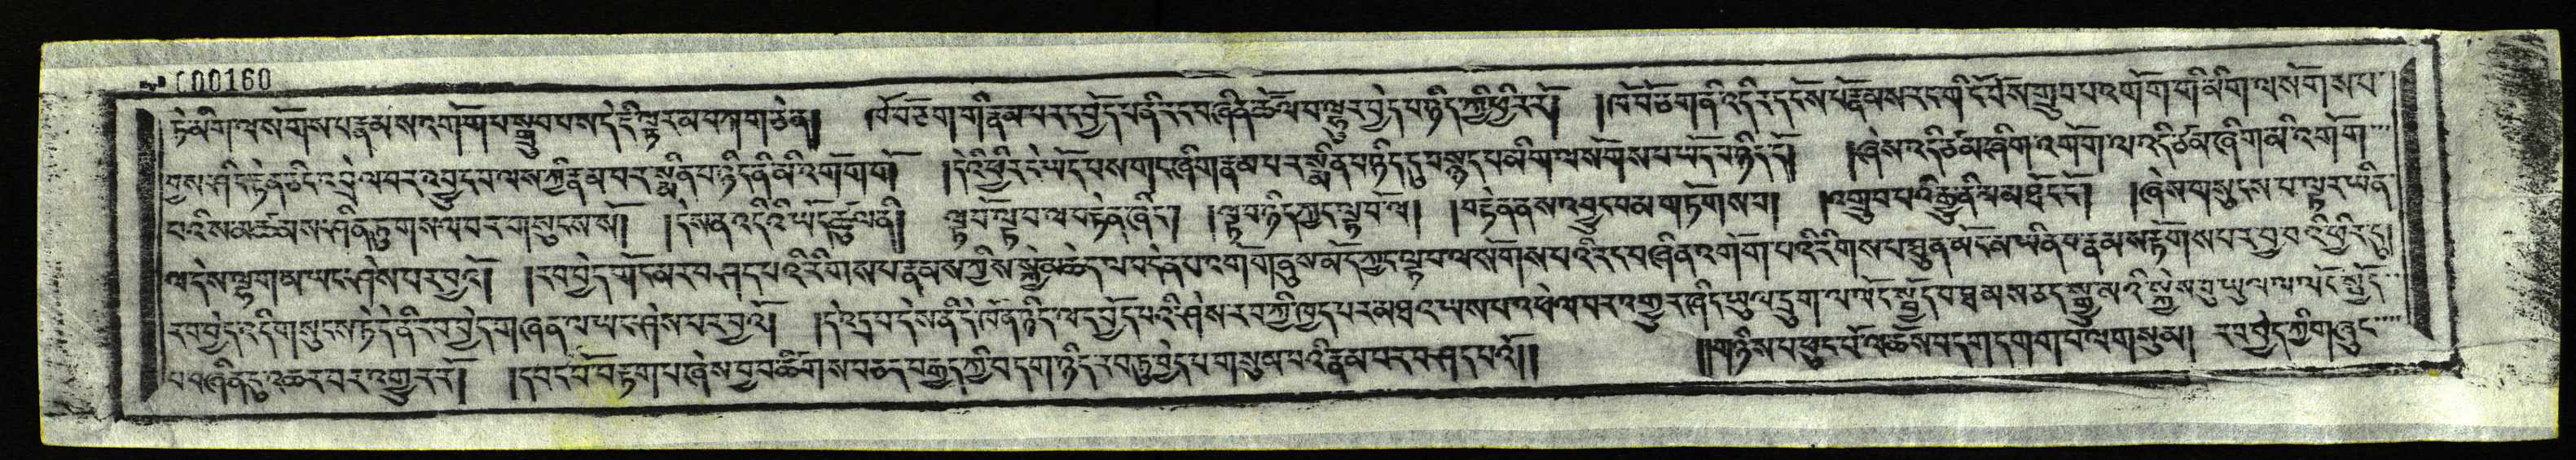ཏེ་མིག་ལ་སོགས་པ་རྣམས་འགོག་པ་སྒྲུབ་པས་དེ་ཇི་ལྟར་མ་བཀག་ཅེ་ན། ཁོ་བོ་ཅག་གི་རྣམ་པར་དཔྱོད་པ་ནི་རང་བཞིན་ཚོལ་བ་ལྷུར་བྱེད་པ་ཉིད་ཀྱི་ཕྱིར་རོ། །ཁོ་བོ་ཅག་ནི་འདིར་དངོས་པོ་རྣམས་རང་གི་ངོ་བོས་གྲུབ་པ་འགོག་གི་མིག་ལ་སོགས་པ་
བྱས་ཤིང་རྟེན་ཅིང་འབྲེལ་བར་འབྱུང་བ་ལས་ཀྱི་རྣམ་པར་སྨིན་པ་ཉིད་ནི་མི་འགོག་གོ །དེའི་ཕྱིར་དེ་ཡོད་པས་གང་ཞིག་རྣམ་པར་སྨིན་པ་ཉིད་དུ་བ་སྙད་པ་མིག་ལ་སོགས་པ་ཡོད་པ་ཉིད་དོ། །ཞེས་འདི་ཙམ་ཞིག་འགོག་ལ་འདི་ཙམ་ཞིག་མི་འགོག་
པའི་ས་མཚམས་ཤིན་ཏུ་གསལ་བར་གསུངས་སོ། །དེས་ན་འདིའི་ཡོད་ཚུལ་ནི། ལྟ་བོ་ལྟ་བ་ལ་བརྟེན་ཞིང་། །ལྟ་བ་ཉིད་ཀྱང་ལྟ་བོ་ལ། །བརྟེན་ནས་འབྱུང་བ་མ་གཏོགས་པ། །འགྲུབ་པའི་རྒྱུ་ནི་མ་མཐོང་ངོ། །ཞེས་གསུངས་པ་ལྟར་ཡིན་
ལ་དེས་ལྷག་མ་ཡང་ཤེས་པར་བྱའོ། །རབ་བྱེད་གོང་མར་བཤད་པའི་རིགས་པ་རྣམས་ཀྱིས་སྐྱེ་མཆེད་ལ་བདེན་པ་འགོག་ནུས་མོད་ཀྱང་ལྟ་བ་ལ་སོགས་པའི་རང་བཞིན་འགོག་པའི་རིགས་པ་ཐུན་མོང་མ་ཡིན་པ་རྣམས་རྟོགས་པར་བྱ་བའི་ཕྱིར་དུ།
རབ་བྱེད་འདི་གསུངས་ཏེ་དེ་ནི་རབ་བྱེད་གཞན་ལ་ཡང་ཤེས་པར་བྱའོ། །དེ་འདྲ་བ་དེས་ནི་དེ་ཁོ་ན་ཉིད་ལ་དཔྱོད་པའི་ཤེས་རབ་ཀྱི་ཁྱད་པར་མཐའ་ཡས་པ་འཕེལ་བར་འགྱུར་ཞིང་ཡུལ་དྲུག་ལ་ལོང་སྤྱོད་པ་ཐམས་ཅད་སྒྱུ་མའི་སྐྱེས་བུ་ཡུལ་ལ་ལོང་སྤྱོད་
པ་བཞིན་དུ་འཆར་བར་འགྱུར་རོ། །དབང་པོ་བརྟག་པ་ཞེས་བྱ་བ་ཚིགས་བཅད་བརྒྱད་ཀྱི་བདག་ཉིད་རབ་ཏུ་བྱེད་པ་གསུམ་པའི་རྣམ་པར་བཤད་པའོ།། །།གཉིས་པ་ཕུང་པོ་ལ་ཆོས་བདག་དགག་པ་ལ་གསུམ། རབ་བྱེད་ཀྱི་གཞུང་